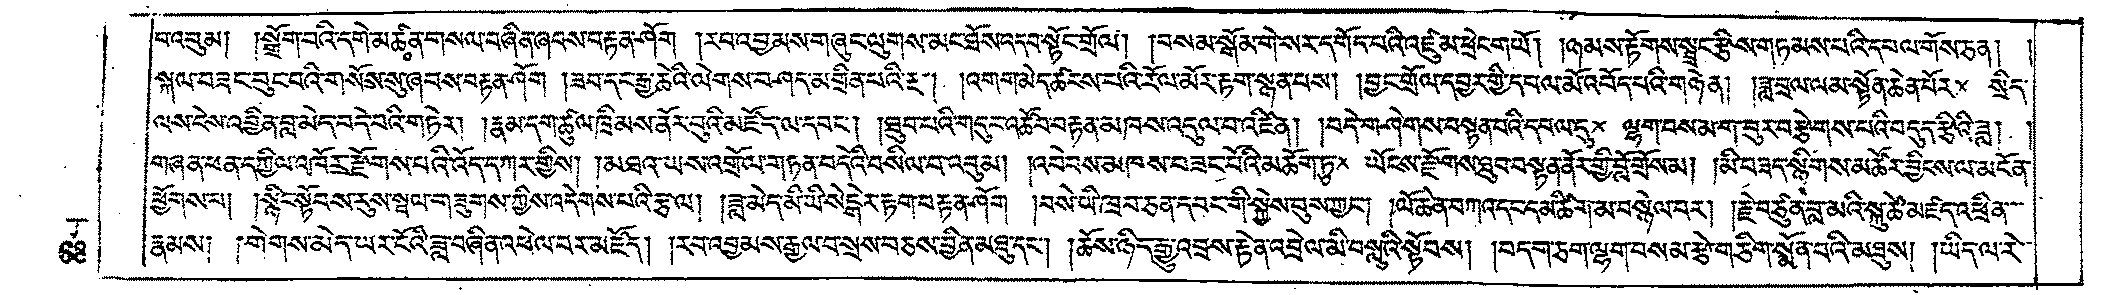པ་འབུམ། །སྒྲོག་པའི་དགེ་མཚན྾་གསལ་བཞིན་ཞབས་བརྟན་ཤོག །རབ་འབྱམས་གཞུང་ལུགས་མང་ཐོས་འདབ་སྟོང་གྲོལ། །བསམ་སྒོམ་གེ་སར་དགོད་པའི་འཛུམ་ཕྲེང་གཡོ། །ཉམས་རྟོགས་སྦྲང་རྩིས་གཏམས་པའི་དཔལ་གོས་ཅན། །
སྐལ་བཟང་བུང་བའི་གསོས་སུ་ཞབས་བརྟན་ཤོག །ཟབ་དང་རྒྱ་ཆེའི་ལེགས་བཤད་མགྲིན་པའི་རྔ། །འགག་མེད་ཚངས་པའི་རོལ་མོར་རྟག་སྙན་པས། །བྱང་གྲོལ་དབྱར་གྱི་དཔལ་མོ་འབོད་པའི་གཉེན། །ཟླ་བྲལ་ལམ་སྟོན་ཆེན་པོར་྾་སྲིད་
ལས་ངེས་འབྱིན་བླ་མེད་བདེ་བའི་གཏེར། །རྣམ་དག་ཚུལ་ཁྲིམས་ནོར་བུའི་མཛོད་ལ་དབང་། །ཐུབ་པའི་གདུང་འཚོབ་བརྟན་མཁས་འདུལ་བ་འཛིན། །བདེ་གཤེགས་བསྟན་པའི་དཔལ་དུ་྾་ལྷག་བསམ་ག་བུར་བརྩེགས་པའི་བདུད་རྩིའི་ཟླ། །
གཞན་ཕན་དཀྱིལ་འཁོར་རྫོགས་པའི་འོད་དཀར་གྱིས། །མཐའ་ཡས་འགྲོ་ལ་གཏན་བདེའི་བསིལ་བ་འབུམ། །འབེབས་མཁས་བཟང་པོའི་མཆོག་ཏུ་྾་ཡོངས་རྫོགས་ཐུབ་བསྟན་ནོར་གྱི་བློ་གྲོས་མ། །མི་བཟད་སྙིགས་མཚོར་བྱིངས་ལ་མངོན་
ཕྱོགས་པ། །སྙིང་སྟོབས་རུས་སྦལ་གཟུགས་ཀྱིས་འདེགས་པའི་རྩལ། །ཟླ་མེད་མི་ཡི་སེངྒེར་རྟག་བརྟན་ཤོག །བསེ་ཡི་ཁྲབ་ཅན་དབང་གི་སྐྱེས་བུས་ཀྱང་། །ལོ་ཆེན་བཀའ་དང་དམ་ཚིག་མ་བསྙེལ་བར། །རྗེ་བཙུན་བླ་མའི་སྐུ་ཚེ་མཛད་འཕྲིན་་་
རྣམས། །གེགས་མེད་ཡར་ངོའི་ཟླ་བཞིན་འཕེལ་བར་མཛོད། །རབ་འབྱམས་རྒྱལ་བ་སྲས་བཅས་བྱིན་མཐུ་དང་། །ཆོས་ཉིད་རྒྱུ་འབྲས་རྟེན་འབྲེལ་མི་བསླུའི་སྟོབས། །བདག་ཅག་ལྷག་བསམ་རྩེ་གཅིག་སྨོན་པའི་མཐུས། །ཡིད་ལ་རེ་་་